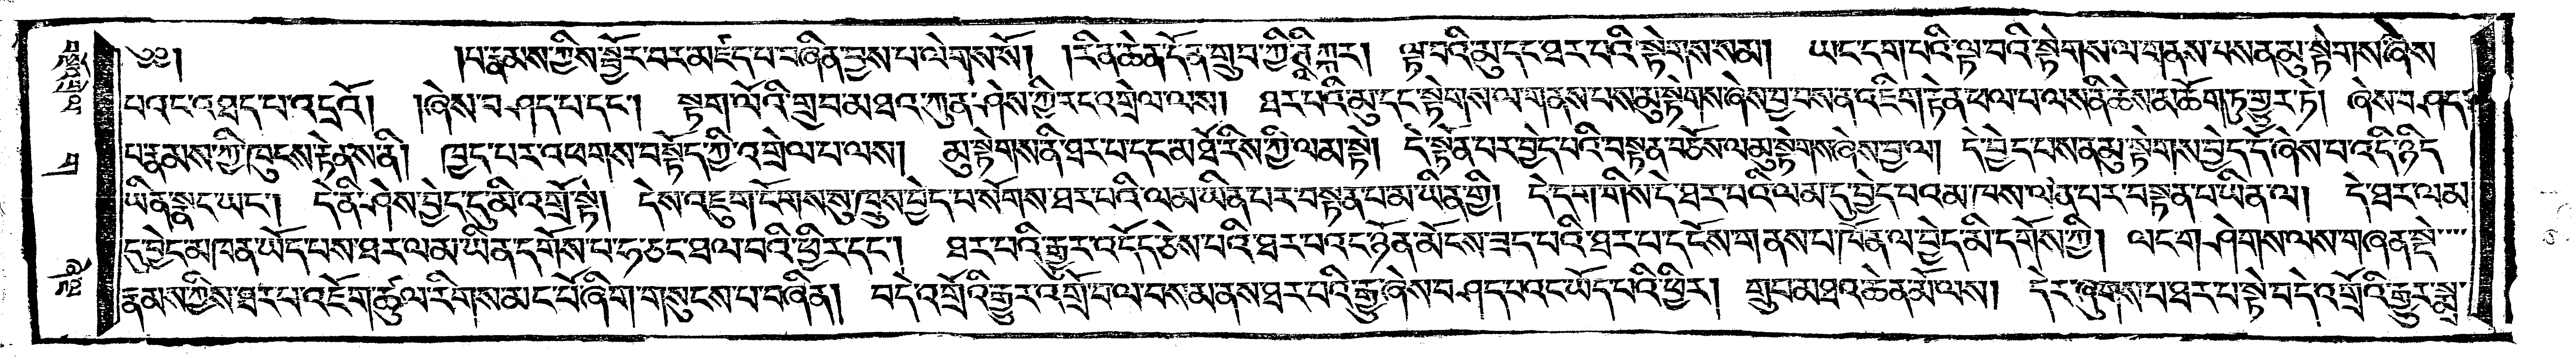༄༅། །པ་རྣམས་ཀྱིས་སྦྱོར་བར་མཛད་པ་བཞིན་བྱས་པ་ལེགས་སོ། །རིན་ཆེན་དོན་གྲུབ་ཀྱི་ཊཱིཀྐར། ལྟ་བའི་མུ་དང་ཐར་པའི་སྟེགས་སམ། ཡང་དག་པའི་ལྟ་བའི་སྟེགས་ལ་གནས་པས་ན་མུ་སྟེགས་ཞེས་
པའང་འཐད་པ་འདྲའོ། །ཞེས་བཤད་པ་དང་། སྟག་ལོའི་གྲུབ་མཐའ་ཀུན་ཤེས་ཀྱི་རང་འགྲེལ་ལས། ཐར་པའི་མུ་དང་སྟེགས་ལ་གནས་པས་མུ་སྟེགས་ཞེས་བྱ་བས་ན་འཇིག་རྟེན་ཕལ་པ་ལས་ནི་ཆེས་མཆོག་ཏུ་གྱུར་ཏེ། ཞེས་བཤད་
པ་རྣམས་ཀྱི་ཁུངས་རྟེན་ས་ནི། ཁྱད་པར་འཕགས་བསྟོད་ཀྱི་འགྲེལ་པ་ལས། མུ་སྟེགས་ནི་ཐར་པ་དང་མཐོ་རིས་ཀྱི་ལམ་སྟེ། དེ་སྟོན་པར་བྱེད་པའི་བསྟན་བཅོས་ལ་མུ་སྟེགས་ཞེས་བྱ་ལ། དེ་བྱེད་པས་ན་མུ་སྟེགས་བྱེད་དོ་ཞེས་པ་འདི་ཉིད་
ཡིན་སྣང་ཡང་། དེ་ནི་ཤེས་བྱེད་དུ་མི་འགྲོ་སྟེ། དེས་འཇུག་ངོགས་སུ་ཁྲུས་བྱེད་པ་སོགས་ཐར་པའི་ལམ་ཡིན་པར་བསྟན་པ་མ་ཡིན་གྱི། དེ་དག་གིས་དེ་ཐར་པའི་ལམ་དུ་བྱེད་པའམ་ཁས་ལེན་པར་བསྟན་པ་ཡིན་ལ། དེ་ཐར་ལམ་
དུ་བྱེད་མཁན་ཡོད་པས་ཐར་ལམ་ཡིན་དགོས་པ་ཧ་ཅང་ཐལ་བའི་ཕྱིར་དང་། ཐར་པའི་རྒྱར་འདོད་ཅེས་པའི་ཐར་པའང་ཉོན་མོངས་ཟད་པའི་ཐར་པ་དངོས་གནས་པ་ཁོ་ན་ལ་བྱེད་མི་དགོས་ཀྱི། ལང་གཤེགས་ལས་གཞན་སྡེ་
རྣམས་ཀྱིས་ཐར་པ་འཇོག་ཚུལ་རིགས་མང་པོ་ཞིག་གསུངས་པ་བཞིན། བདེ་འགྲོའི་རྒྱུར་འགྲོ་བ་ལ་བསམ་ནས་ཐར་པའི་རྒྱུ་ཞེས་བཤད་པའང་ཡོད་པའི་ཕྱིར། གྲུབ་མཐའ་ཆེན་མོ་ལས། དེར་ཞུགས་པ་ཐར་པ་སྟེ་བདེ་འགྲོའི་རྒྱུར་སྨྲ་